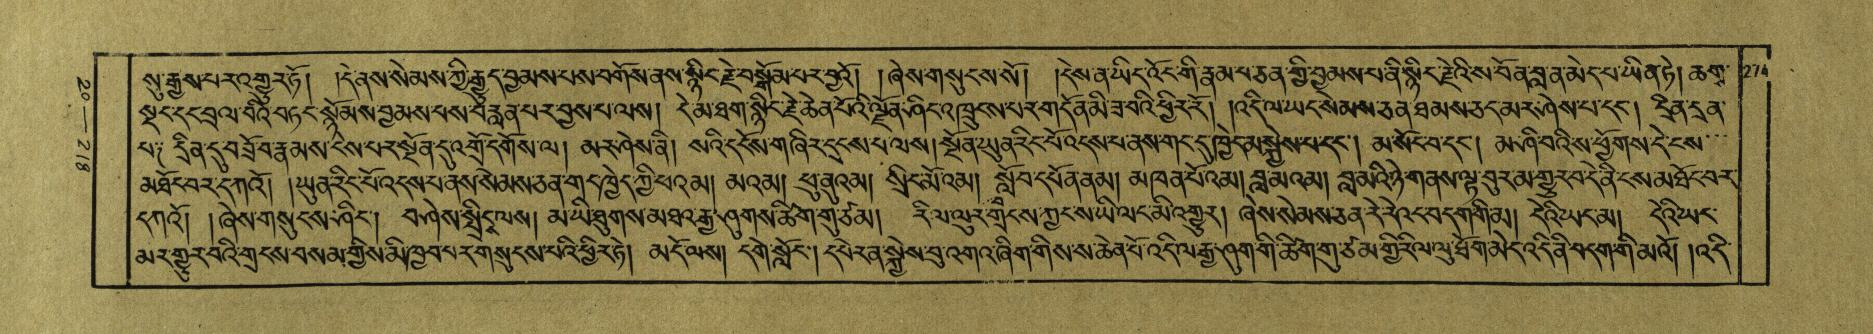སུ་རྒྱས་པར་འགྱུར་ཏོ། །དེ་ནས་སེམས་ཀྱི་རྒྱུད་བྱམས་པས་བགོས་ནས་སྙིང་རྗེ་བསྒོམ་པར་བྱའོ། །ཞེས་གསུངས་སོ། །དེས་ན་ཡིད་འོང་གི་རྣམ་པ་ཅན་གྱི་བྱམས་པ་ནི་སྙིང་རྗེའི་ས་བོན་བླ་ན་མེད་པ་ཡིན་ཏེ། ཆགས་
སྡང་དང་བྲལ་བའི་བཏང་སྙོམས་བྱམས་པས་བརླན་པར་བྱས་པ་ལས། དེ་མ་ཐག་སྙིང་རྗེ་ཆེན་པོའི་ལྗོན་ཤིང་འཁྲུངས་པར་གདོན་མི་ཟ་བའི་ཕྱིར་རོ། །འདི་ལ་ཡང་སེམས་ཅན་ཐམས་ཅད་མར་ཤེས་པ་དང་། དྲིན་དྲན་
པ༑ དྲིན་དུ་བཟོ་བ་རྣམས་ངེས་པར་སྔོན་དུ་འགྲོ་དགོས་ལ། མར་ཤེས་ནི། སའི་དངོས་གཞིར་དྲངས་པ་ལས། སྔོན་ཡུན་རིང་པོ་འདས་པ་ནས་གང་དུ་ཁྱེད་མ་སྐྱེས་པ་དང་། མ་སོང་བ་དང་། མ་ཤི་བའི་ས་ཕྱོགས་དེ་ངས་
མཐོང་བར་དཀའོ། །ཡུན་རིང་པོ་འདས་པ་ནས་སེམས་ཅན་གང་ཁྱེད་ཀྱི་ཕའམ། མའམ། ཕུ་ནུའམ། སྲིང་མོ་འམ། སློབ་དཔོན་ནམ། མཁན་པོ་འམ། བླ་མའམ། བླ་མའི་ཉེ་གནས་ལྟ་བུར་མ་གྱུར་བ་དེ་ནི་ངས་མཐོང་བར་
དཀའོ། །ཞེས་གསུངས་ཤིང་། བཤེས་སྤྲིངས་ལས། མ་ཡི་ཐུགས་མཐའ་རྒྱ་ཤུགས་ཚིག་གུ་ཙམ། རིལ་ལུར་བ་གྲངས་ཀྱང་ས་ཡི་ལང་མི་འགྱུར། ཞེས་སེམས་ཅན་རེ་རེའང་བདག་གི་མ། དེའི་ཡང་མ། དེའི་ཡང་
མར་གྱུར་བའི་གྲངས་བསམ་གྱིས་མི་ཁྱབ་པར་གསུངས་པའི་ཕྱིར་ཏེ། མདོ་ལས། དགེ་སློང་། དཔེར་ན་སྐྱེས་བུ་འགའ་ཞིག་གིས་ས་ཆེན་པོ་འདི་ལ་རྒྱ་ཤུག་གི་ཚིག་གུ་ཙམ་གྱི་རིལ་ལུ་ཐོག་མེད་འདི་ནི་བདག་གི་མའོ། །འདི་